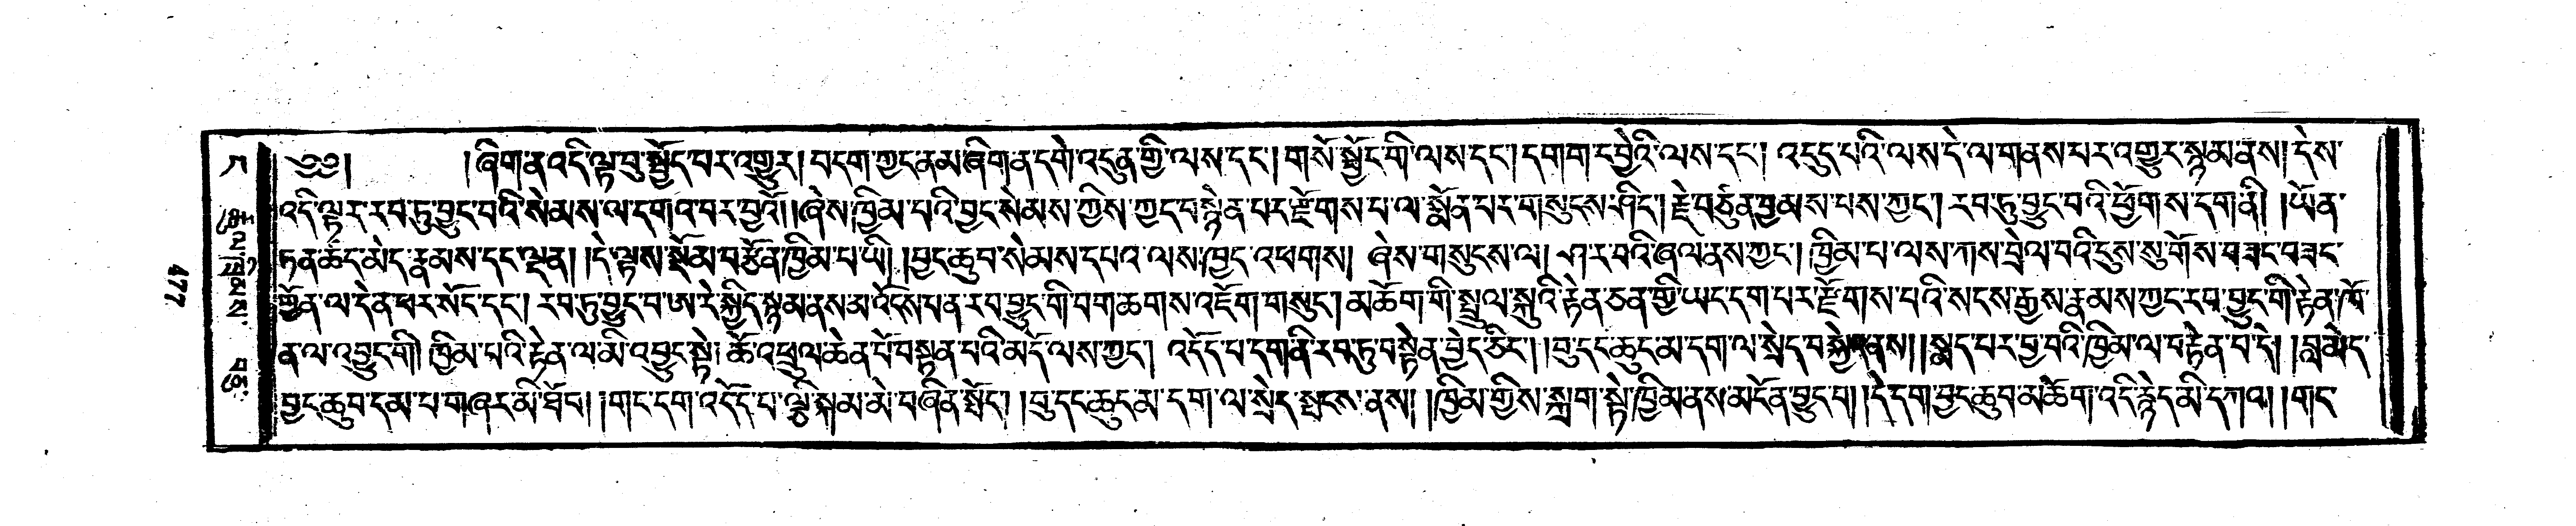༄༅། །ཞིག་ན་འདི་ལྟ་བུ་སྤྱོད་པར་འགྱུར། བདག་ཀྱང་ནམ་ཞིག་ན་དགེ་འདུན་གྱི་ལས་དང་། གསོ་སྦྱོང་གི་ལས་དང་། དགག་དབྱེའི་ལས་དང་། འདུད་པའི་ལས་དེ་ལ་གནས་པར་འགྱུར་སྙམ་ནས། དེས་
འདི་ལྟར་རབ་ཏུ་བྱུང་བའི་སེམས་ལ་དགའ་བར་བྱའོ། །ཞེས་ཁྱིམ་པའི་བྱང་སེམས་ཀྱིས་ཀྱང་བསྙེན་པར་རྫོགས་པ་ལ་སྨོན་པར་གསུངས་ཤིང་། རྗེ་བཙུན་བྱམས་པས་ཀྱང་། རབ་ཏུ་བྱུང་བའི་ཕྱོགས་དག་ནི། །ཡོན་
ཏན་ཚད་མེད་རྣམས་དང་ལྡན། །དེ་ལྟས་སྡོམ་བརྩོན་ཁྱིམ་པ་ཡི། །བྱང་ཆུབ་སེམས་དཔའ་ལས་ཁྱད་འཕགས། ཞེས་གསུངས་ལ། ཤ་ར་བའི་ཞལ་ནས་ཀྱང་། ཁྱིམ་པ་ལས་ཀས་བྲེལ་བའི་དུས་སུ་གོས་བཟང་བཟང་
གྱོན་ལ་དེན་ཕར་སོང་དང་། རབ་ཏུ་བྱུང་བ་ཨ་རེ་སྐྱིད་སྙམ་ནས་མ་འོངས་པན་རབ་བྱུང་གི་བག་ཆགས་འཇོག་གསུང་། མཆོག་གི་སྤྲུལ་སྐུའི་རྟེན་ཅན་གྱི་ཡང་དག་པར་རྫོགས་པའི་སངས་རྒྱས་རྣམས་ཀྱང་རབ་བྱུང་གི་རྟེན་ཁོ་
ན་ལ་འབྱུང་གི །ཁྱིམ་པའི་རྟེན་ལ་མི་འབྱུང་སྟེ། ཆོ་འཕྲུལ་ཆེན་པོ་བསྟན་པའི་མདོ་ལས་ཀྱང་། འདོད་པ་དག་ནི་རབ་ཏུ་བསྟེན་བྱེད་ཅིང་། །བུ་དང་ཆུང་མ་དག་ལ་སྲེད་བསྐྱེད་ནས། །སྨད་པར་བྱ་བའི་ཁྱིམ་ལ་བརྟེན་པ་དེ། །བླ་མེད་
བྱང་ཆུབ་དམ་པ་གཞར་མི་ཐོབ། །གང་དག་འདོད་པ་ལྕི་སྐམ་མེ་བཞིན་སྤོང་། །བུ་དང་ཆུང་མ་དག་ལ་སྲེད་སྤངས་ནས། །ཁྱིམ་གྱིས་སྐྲག་སྟེ་ཁྱིམ་ནས་མངོན་བྱུང་བ། །དེ་དག་བྱང་ཆུབ་མཆོག་འདི་རྙེད་མི་དཀའ། །གང་